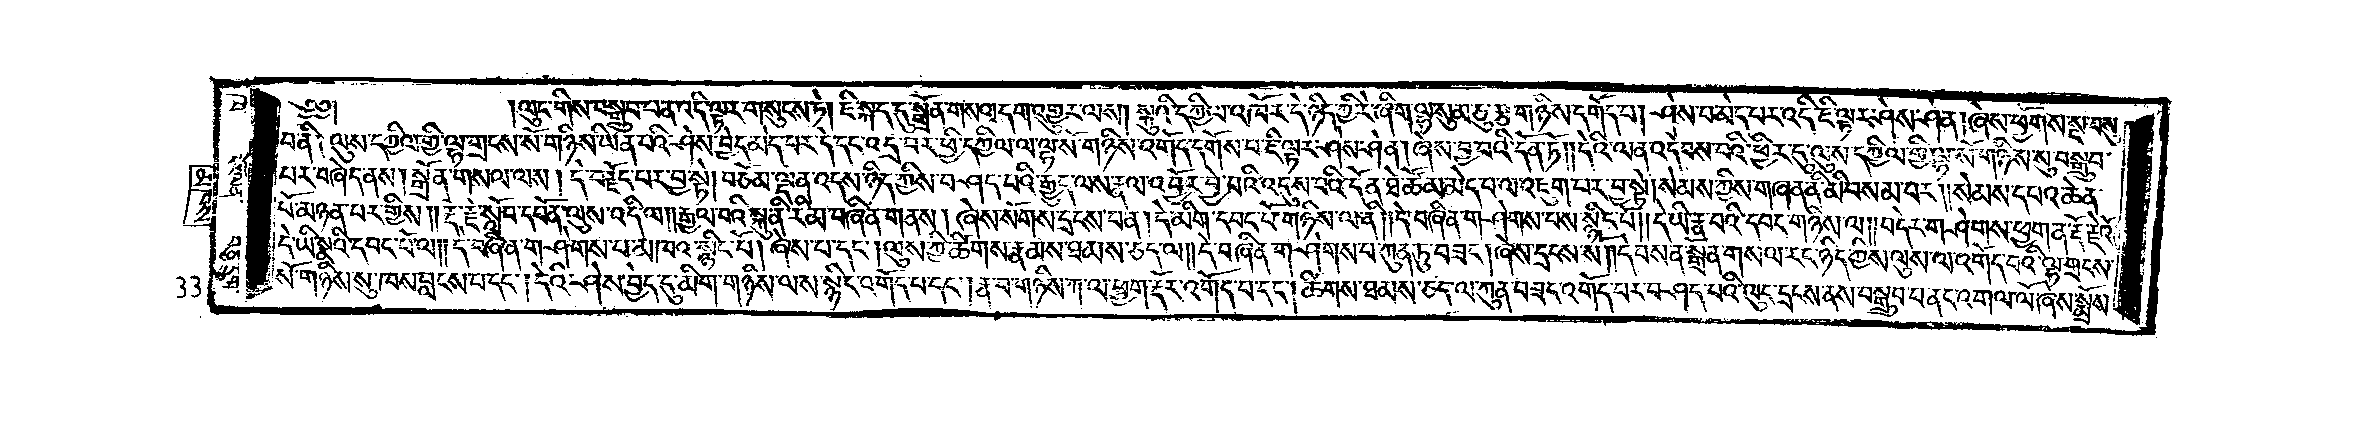༄༅། །ལུང་གིས་བསྒྲུབ་པ་ན་འདི་ལྟར་གསུངས་ཏེ། ཇི་སྐད་དུ་སྒྲོན་གསལ་དག་འགྱུར་ལས། སྐུའི་དཀྱིལ་འཁོར་དེ་ཉིད་ཀྱི་རེ་ཞིག་ལྷ་སུམ་ཅུ་རྩ་གཉིས་དགོད་པ། ཤེས་པ་མེད་པར་འདི་ཇི་ལྟར་ཤེས་ཤེ་ན། ཞེས་ཕྱོགས་སྔ་བསུ་
པ་ནི། ལུས་དཀྱིལ་གྱི་ལྷ་གྲངས་སོ་གཉིས་ཡིན་པའི་ཤེས་བྱེད་མེད་པར་དེ་དང་འདྲ་བར་ཕྱི་དཀྱིལ་ལ་ལྷ་སོ་གཉིས་འགོད་དགོས་པ་ཇི་ལྟར་ཤེས་ཤེ་ན། ཞེས་བྱ་བའི་དོན་ཏོ། །དེའི་ལན་འདེབས་པའི་ཕྱིར་དུ་ལུས་དཀྱིལ་གྱི་ལྷ་སོ་གཉིས་སུ་བསྒྲུབ་
པར་བཞེད་ནས། སྒྲོན་གསལ་ལས། དེ་བརྗོད་པར་བྱ་སྟེ། བཅོམ་ལྡན་འདས་ཉིད་ཀྱིས། བཤད་པའི་རྒྱུད་ལས་རྣལ་འབྱོར་བྱེ་བའི་འདུས་པའི་དོན་ཐེ་ཚོམ་མེད་པ་ལ་འཇུག་པར་བྱ་སྟེ། སེམས་ཀྱིས་གཞན་མི་བསམ་པར། །སེམས་དཔའ་ཆེན་
པོ་མཉན་པར་གྱིས། །རྡོ་རྗེ་སློབ་དཔོན་ལུས་འདི་ལ། །རྒྱལ་བའི་སྐུ་ནི་རིམ་བཞིན་གནས། ཞེས་སོགས་དྲངས་པ་ན། དེ་མིག་དབང་པོ་གཉིས་ལ་ནི། དེ་བཞིན་གཤེགས་པས་སྙིང་པོ། །དེ་ཡི་རྣ་བའི་དབང་གཉིས་ལ། །བདེར་བཤེགས་ཕྱག་ན་རྡོ་རྗེའོ།
དེ་ཡི་སྣའི་དབང་པོ་ལ། །དེ་བཞིན་གཤེགས་པ་མཁའ་སྙིང་པོ། ཞེས་པ་དང་། ལུས་ཀྱི་ཚིགས་རྣམས་ཐམས་ཅད་ལ། །དེ་བཞིན་གཤེགས་པ་ཀུན་ཏུ་བཟང་། ཞེས་དྲངས་སོ། །དེ་བས་ན་སྒྲོན་གསལ་ལ་རང་ཉིད་ཀྱིས་ལུས་ལ་འགོད་པའི་ལྷ་གྲགས་
སོ་གཉིས་སུ་ཁས་བླངས་པ་དང་། དེའི་ཤེས་བྱེད་དུ་མིག་གཉིས་ལས་སྙིང་འགོད་པ་དང་། རྣ་བ་གཉིས་ཀ་ལ་ཕྱག་རྡོར་འགོད་པ་དང་། ཚིགས་ཐམས་ཅད་ལ་ཀུན་བཟང་འགོད་པར་བཤད་པའི་ལུང་དྲངས་ནས་བསྒྲུབ་པ་ནང་འགལ་ལོ་ཞེས་སྨྲོས་